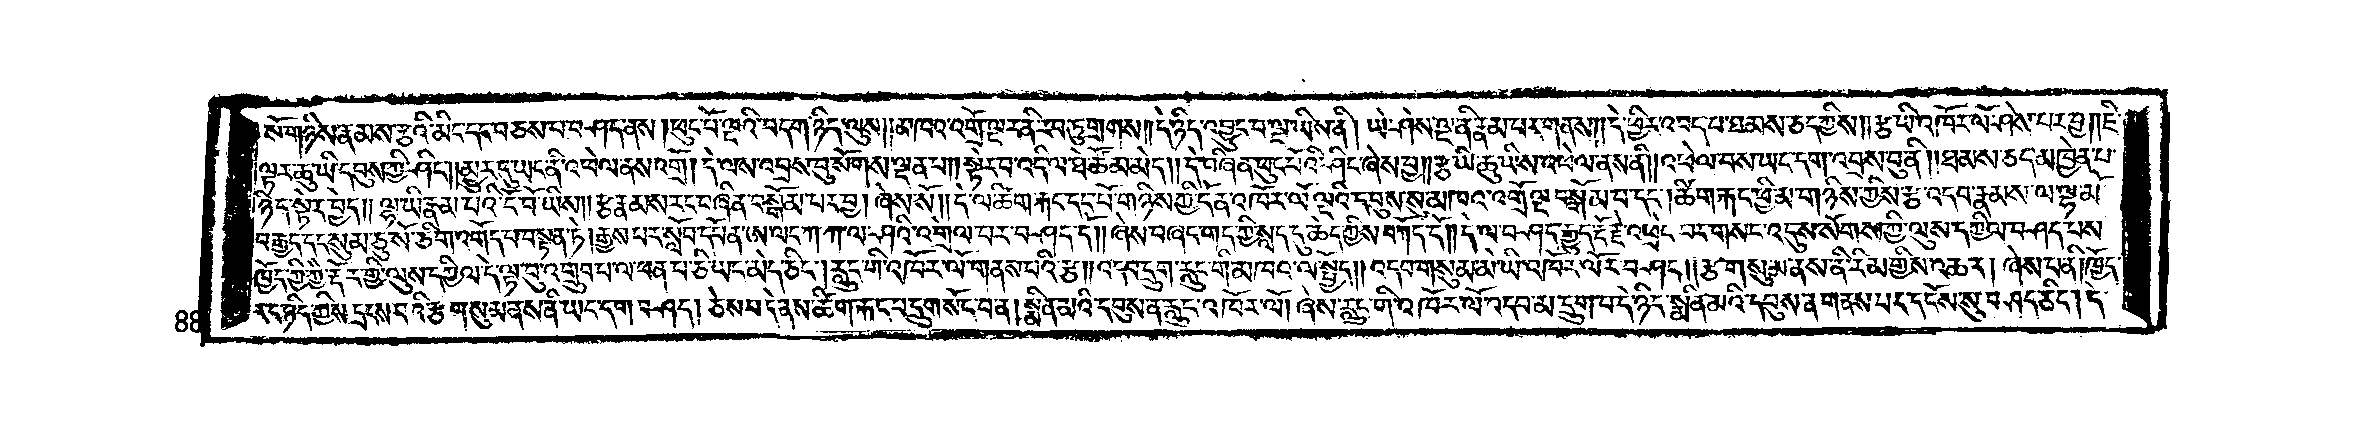སོ་གཉིས་རྣམས་རྩའི་མིང་དང་བཅས་པ་བཤད་ནས། ཕུང་པོ་ལྔའི་བདག་ཉིད་ལུས། །མཁའ་འགྲོ་ལྔར་ནི་རབ་ཏུ་གྲགས། །དེ་ཉིད་འབྱུང་བ་ལྔ་ཡིས་ནི། ཡེ་ཤེས་ལྔ་ནི་རྣམ་པར་གནས། །དེ་ཕྱིར་འབད་པ་ཐམས་ཅད་ཀྱིས། །རྩ་ཡི་འཁོར་ལོ་ཤེས་པར་བྱ། །ཇི་
ལྟར་ཆུ་ཡི་དབུས་ཀྱིས་ཤིང་། །མྱུར་དུ་ཡང་ནི་འཕེལ་ནས་འགྲོ། དེ་ལས་འབྲས་བུ་སོགས་ལྡན་པ། སྟེར་བ་འདི་ལ་ཐེ་ཚོམ་མེད། །དེ་བཞིན་ཕུང་པོའི་ཤིང་ཞེས་བྱ། །རྩ་ཡི་ཆུ་ཡིས་འཕེལ་ནས་ནི། །འཕེལ་བས་ཡང་དག་འབྲས་བུ་ནི། །ཐམས་ཅད་མཁྱེན་པ་
ཉིད་སྟེར་བྱེད། །ལྷ་ཡི་རྣམ་པའི་ངོ་བོ་ཡིས། །རྩ་རྣམས་རང་བཞིན་བསྒོམ་པར་བྱ། ཞེས་སོ། །དེ་ལ་ཚིག་རྐང་དང་པོ་གཉིས་ཀྱི་དོན་འཁོར་ལོ་ལྔའི་དབུས་སུ་མཁའ་འགྲོ་ལྔ་བསྒོམ་པ་དང་། ཚིག་རྐང་ཕྱི་མ་གཉིས་ཀྱིས་རྩ་འདབ་རྣམས་ལ་ལྷ་མོ་
བརྒྱད་དང་སུམ་ཅུ་སོ་ཅིག་འགོད་པ་བསྟན་ཏེ། རྒྱས་པར་སློབ་དཔོན་ཨ་ལང་ཀ་ཀ་ལ་ཤའི་འགྲེལ་པར་བཤད་དོ། །ཞེས་བཞད་གད་ཀྱི་སླད་དུ་ཆེད་ཀྱིས་བཀོད་དོ། །དེ་ལ་བཤད་རྒྱུད་རྡོ་རྗེ་འཕྲེན་བར་གསང་འདུས་སོགས་ཀྱི་ལུས་དཀྱིལ་བཤད་པས་
ཁྱོད་ཀྱི་ཀྱེ་རྡོར་གྱི་ལུས་དཀྱིལ་དེ་ལྟ་བུ་འགྲུབ་པ་ལ་ཕན་པ་ཅི་ཡང་མེད་ཅིང་། རླུང་གི་འཁོར་ལོ་གནས་པའི་རྩ། །འདབ་དྲུག་རླུང་གི་མཁའ་ལ་སྤྱོད། །འདབ་གསུམ་མེ་ཡི་འཁོར་ལོར་བཤད། །རྩ་གསུམ་ནས་ནི་རིམ་གྱིས་འཆར། ཞེས་པ་ནི། ཁྱོད་
རང་ཉིད་ཀྱིས་དྲངས་པའི་རྩ་བའི་རྩ་གསུམ་ནས་ནི་ཡང་དག་བཤད། ཅེས་པ་དེ་ནས་ཚིག་རྐང་པ་དྲུག་སོང་བ་ན། སྨིན་མའི་དབུས་ན་རླུང་འཁོར་ལོ། །ཞེས་རླུང་གི་འཁོར་ལོ་འདབ་མ་དྲུག་པ་དེ་ཉིད་སྨིན་མའི་དབུས་ན་གནས་པར་དངོས་སུ་བཤད་ཅིང་། དེ་